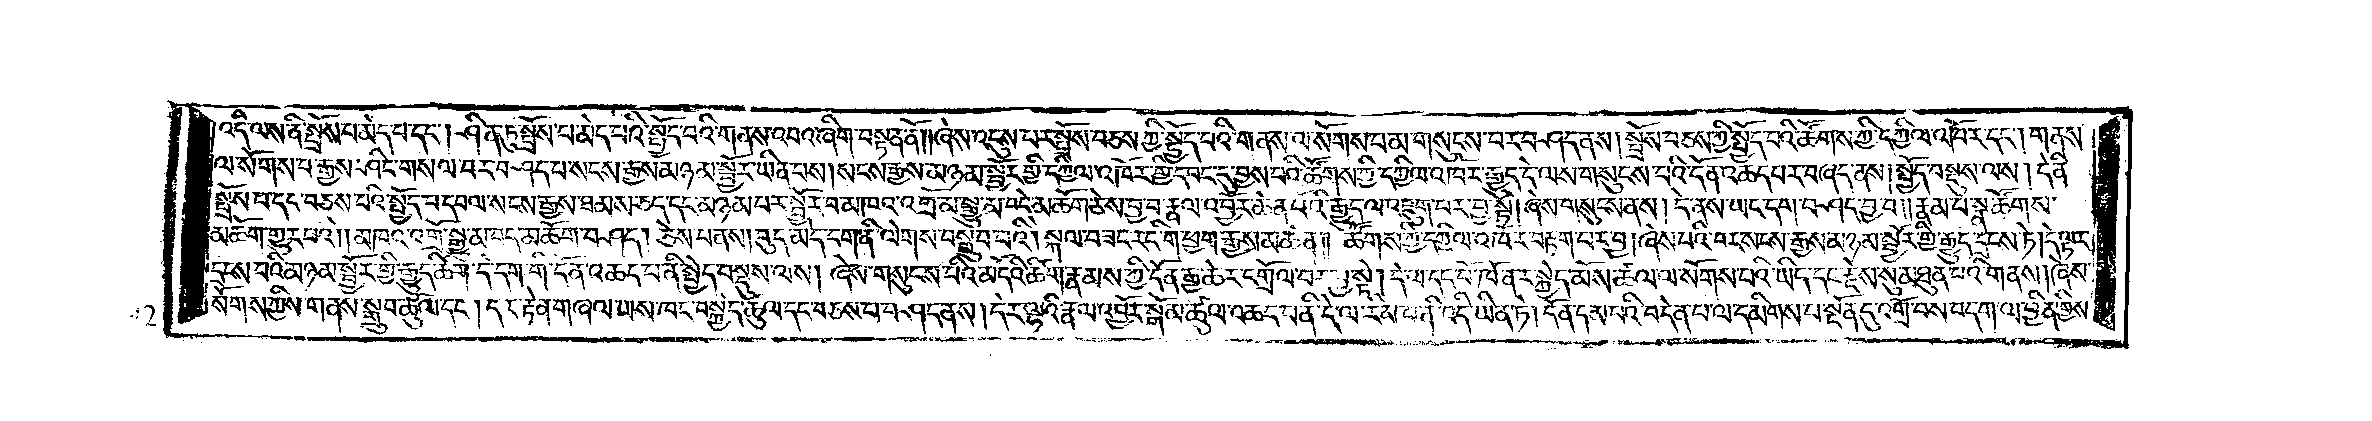འདི་ལས་ནི་སྤྲོས་པ་མེད་པ་དང་། ཤིན་ཏུ་སྤྲོས་པ་མེད་པའི་སྤྱོད་པའི་གནས་འབའ་ཞིག་བསྟན་ནོ། །ཞེས་འདུས་པར་སྤྲོས་བཅས་ཀྱི་སྤྱོད་པའི་གནས་ལ་སོགས་པ་མ་གསུངས་པར་བཤད་ནས། སྤྲོས་བཅས་ཀྱི་སྤྱོད་པའི་ཚོགས་ཀྱི་དཀྱིལ་འཁོར་དང་། གནས་
ལ་སོགས་པ་རྒྱས་ཤིང་གསལ་བར་བཤད་པ་སངས་རྒྱས་མཉམ་སྦྱོར་ཡིན་པས། སངས་རྒྱས་མཉམ་སྦྱོར་གྱི་དཀྱིལ་འཁོར་གྱི་དབང་དུ་བྱས་པའི་ཚོགས་ཀྱི་དཀྱིལ་འཁོར་རྒྱུད་དེ་ལས་གསུངས་པའི་དོན་འཆད་པར་བཞད་ནས། སྤྱོད་བསྡུས་ལས། དེ་ནི་
སྤྲོས་པ་དང་བཅས་པའི་སྤྱོད་པ་དཔལ་སངས་རྒྱས་ཐམས་ཅད་དང་མཉམ་པར་སྦྱོར་བ་མཁའ་འགྲོ་མ་སྒྱུ་མ་བདེ་མཆོག་ཅེས་བྱ་བ་རྣལ་འབྱོར་ཆེན་པོའི་རྒྱུད་ལ་འཇུག་པར་བྱ་སྟེ། ཞེས་གསུངས་ནས། དེ་ནས་ཡང་དག་བཤད་བྱ་བ། །རྣམ་པ་སྣ་ཚོགས་
མཆོག་གྱུར་བའི། །མཁའ་འགྲོ་སྒྱུ་མ་བད་མཆོག་བཤད། ཅེས་པ་ནས། བུད་མེད་དག་ནི་ལེགས་བསྒྲུབ་པའི། སྐལ་བཟང་རང་གི་ཕྱག་རྒྱས་མཚན། ཚོགས་ཀྱི་དཀྱིལ་འཁོར་བརྟག་པར་བྱ། ཞེས་པའི་པར་སངས་རྒྱས་མཉམ་སྦྱོར་གྱི་རྒྱུད་དྲངས་ཏེ། དེ་ལྟར་
དྲངས་བའི་མཉམ་སྦྱོར་གྱི་རྒྱུད་ཚིག་དེ་དག་གི་དོན་འཆད་པ་ནི་སྤྱེད་བསྡུས་ལས། ཞེས་གསུངས་པའི་མདོའི་ཚིག་རྣམས་ཀྱི་དོན་རྒྱ་ཆེར་དགྲོལ་བར་བྱ་སྟེ། དེ་ལ་དང་པོ་ཁོ་ནར་སྐྱེད་མོས་ཚལ་ལ་སོགས་པའི་ཡིད་དང་རྗེས་སུ་མཐུན་པའི་གནས། །ཞེས་
སོགས་ཀྱིས་གནས་སྒྲུབ་ཚུལ་དང་། དེར་རྟེན་གཞལ་ཡས་ཁང་བསྐྱེད་ཚུལ་དང་བཅས་པ་བཤད་ནས། དེར་ལྷའི་རྣལ་འབྱོར་སྒོམ་ཚུལ་འཆད་པ་ནི་དེ་ལ་རིམ་པ་ནི་འདི་ཡིན་ཏེ། དོན་དམ་པའི་བདེན་པ་ལ་དམིགས་པ་སྔོན་དུ་འགྲོ་བས་བདག་ལ་བྱིན་གྱིས་